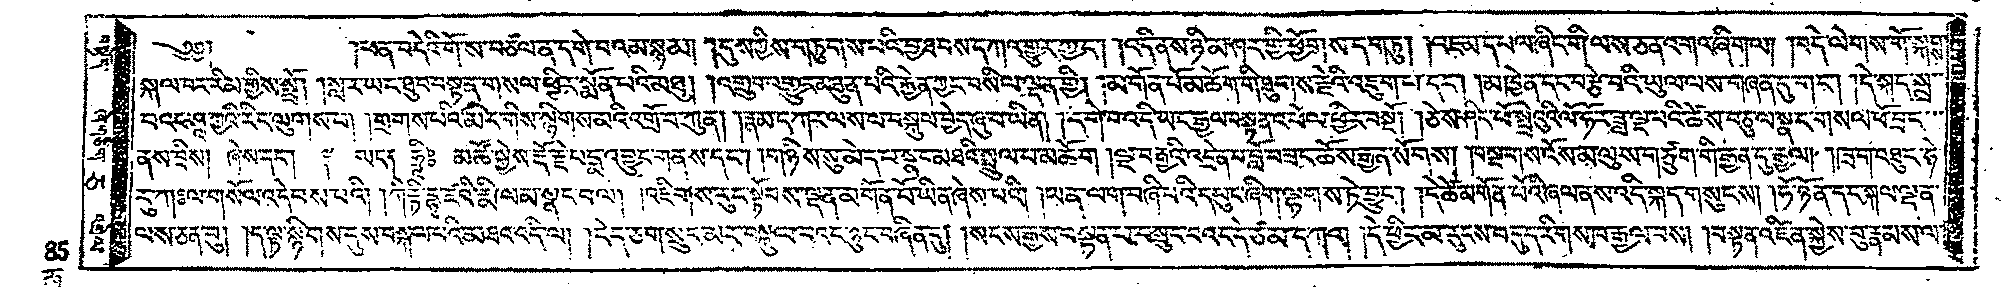༄༅། །ཕན་བདེའི་གོ་ས་བཙལ་ན་དགེ་བའམ་སྙམ། །དུས་ཀྱིས་གཏུགས་པའི་བྱ་ཐབས་དཀའ་གྱུར་ཀྱང་། །འདི་ནས་ཉི་མ་ཤར་གྱི་ཕྱོགས་དག་ཏུ། །འཇམ་དཔལ་ཞིང་གི་ལས་ཅན་འགའ་ཞིག་ལ། །བདེ་ལེགས་གོ་སྐབས་
སྐལ་བར་རིམ་གྱིས་སྤྲོ། །སླར་ཡང་ཐུབ་བསྟན་གསལ་ཕྱིར་སྨོན་པའི་མཐུ། །འགྲུབ་འགྱུར་མཐུན་པའི་རྐྱེན་ཀྱང་བསིལ་ལྡན་གྱི། །མགོན་པོ་མཆོག་གི་ཐུགས་རྗེའི་འཇུག་པ་དང་། །མཁྱེན་དང་བརྩེ་བའི་ཡུལ་ལས་གཞན་དུ་གང་། །དེ་སྐད་སྨྲ་
བའང་ཤཱཀྱའི་རིང་ལུགས་པ། །གྲགས་པའི་མིང་གིས་སྙིགས་མའི་འགྲོ་བ་ཀུན། །རྣམ་དཀར་ལས་ལ་བསྐུལ་བྱེད་ཞུ་བ་ཡིན། །དགེ་བ་འདི་ཡང་རྒྱལ་བསྟན་འཕེལ་ཕྱིར་བསྔོ། །ཅེས་ཤིང་ཕོ་སྤྲེའུའི་ལོ་ཧོར་ཟླ་ལྔ་པའི་ཚེས་བཅུ་ལ་སྣང་གསལ་ཕོ་བྲང་
ནས་བྲིས། ཞེས་དང་། ༈ ཡང༑ ཧྲཱིཿ མཚོ་སྐྱེས་རྡོ་རྗེ་པདམ་འབྱུང་གནས་དང་། །གཉིས་སུ་མེད་པ་སྣང་མཐའི་སྤྲུལ་པ་མཆོག །ལྔ་བརྒྱའི་འདྲེན་པ་བློ་བཟང་ཆོས་རྒྱན་སོགས། །བསྔགས་འོས་མ་ལུས་གཙུག་གི་རྒྱན་དུ་རྒྱལ། །ཁྲག་འཐུང་ཧེ་
རུ་ཀཿ ལ་གསོལ་འདེབས་པའི། །ཀིརྟི་དྷྭ་ཛའི་རྨི་ལམ་སྣང་བ་ལ། །འཇིགས་རུང་སྟོབས་ལྡན་མགོན་པོ་ཡིན་ཞེས་པའི། །ཡན་ལག་བཞི་པའི་དཔུང་ཞིག་ལྷགས་ཏེ་བྱུང་། །དེ་ཚེ་མགོན་པོའི་ཞལ་ནས་འདི་སྐད་གསུངས། །ཧོ་ཉོན་དང་སྐལ་ལྡན་
ལས་ཅན་བུ། །ད་ལྟ་སྙིགས་དུས་བསྐལ་པའི་མཐའ་འདི་ལ། །ངེད་ཅག་སྲུང་མར་བསྐུལ་བའང་ཉུང་བཞིན་དུ། །སངས་རྒྱས་བསྟན་པ་བསྲུང་བའང་དེ་ཙམ་དཀའ། །དེ་ཕྱིར་མ་རུངས་བདུད་རིགས་ཁ་རྒྱལ་བས། །བསྟན་འཛིན་སྐྱེས་བུ་རྣམས་ལ་